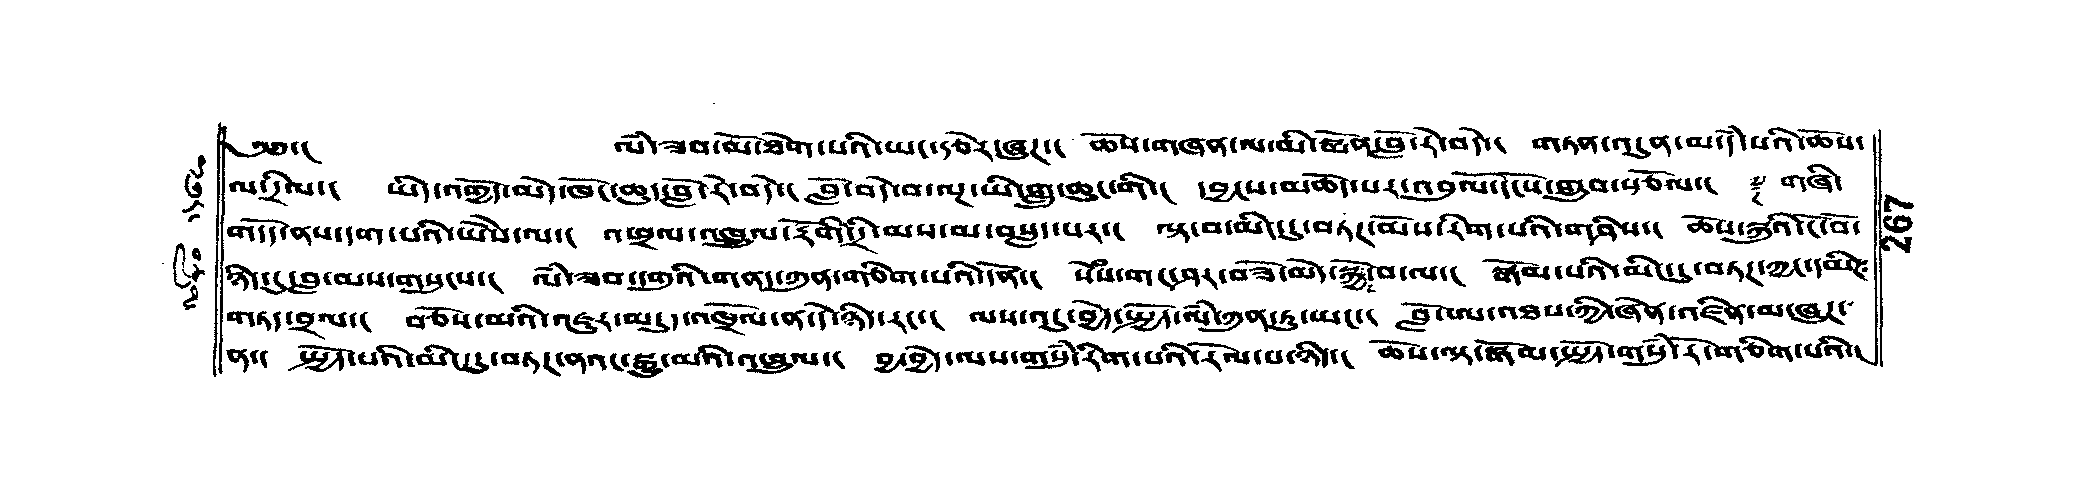།ལམ་ཟབ་མོ་ཐེག་པའི་ཡང་རྩེར་ཞུགས། །ཆོས་གཞན་ལ་མི་སྨོན་བློ་རེ་བདེ། །གཏན་འདུན་མ་དམ་པའི་ཆོས་
ལ་དྲིལ། །ཡིད་འགྱོད་མེད་ཁོང་ཆུད་བློ་རེ་བདེ། །བློ་བདེ་བ་ལྔ་ཡི་གྲེ་ཆུང་གི །དབྱངས་མཆོད་པར་འབུལ་ལོ་དངོས་གྲུབ་སྩོལ།། ༈ གཞི་
གདོད་ནས་དག་པའི་ཡེ་ཤེས་ལ། །འཕྲལ་འཁྲུལ་རྟོག་གི་དྲི་མས་མ་བསླད་པར། །ལྟ་བ་མིང་དུ་བཏགས་མོད་རིག་པའི་གཤིས། །ཆོས་སྐུའི་ངོ་བོ་
ཉིད་དུ་བླ་མས་གསུངས། །ལམ་ཟབ་རྒུའི་གནད་ཀུན་གཅིག་པའི་དོན། །སེམས་གང་ཤར་བཟོ་མེད་སྐྱོང་བ་ལ། །སྒོམ་པའི་མིང་དུ་བཏགས་ཀྱང་དམིགས་
གཏད་བྲལ། །བཅོས་མའི་འཇུར་མདུད་འཁྲོལ་ན་དེ་ཉིད་རང་། །ལས་འདུ་བྱེད་སྤྱོད་ལམ་ཀུན་ཏུ་ཡང་། །བློ་ཨ་འཐས་ཀྱི་ཞེན་འཛིན་མ་ཞུགས་
ན། །སྤྱོད་པའི་མིང་དུ་བཏགས་ནའང་སྒྱུ་མའི་འཕྲུལ། །བྱ་བྱེད་ལས་གསུམ་རིག་པའི་རོལ་པ་ཉིད། །ཆོས་ལྟ་སྒོམ་སྤྱོད་གསུམ་རོ་གཅིག་པའི།